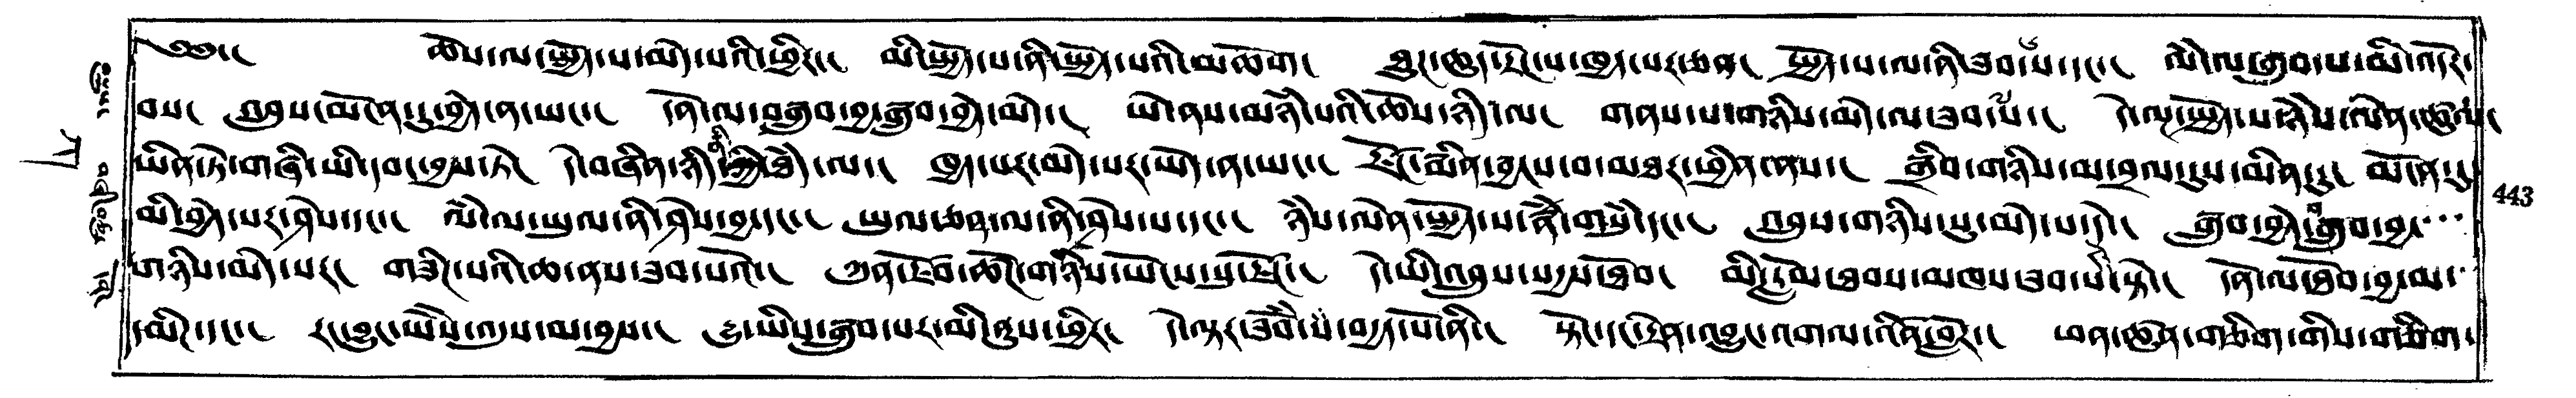ཆོས་ལ་སྤྱོད་པ་མེད་པའི་ཕྱིར། །མི་སྤྱོད་པ་ནི་སྤྱོད་པའི་མཆོག །ཐུགས་ཆུད་རྟོགས་པ་ཁྱད་པར་ཅན། །སྤྱོད་པ་ལ་ནི་ཟབ་པ་དང་། །ལམ་ལ་གྲུབ་པ་མི་འདོར་
བས། །འབྲས་བུ་མངོན་དུ་བྱེད་ན་ཡང་། །དོན་ལ་བསྒྲུབ་བྱ་སྒྲུབ་བྱེད་མེད། །ཡེ་ནས་མཉམ་པའི་ཆོས་ཉིད་ལ། །གནས་པ་གཉིས་མེད་ལ་ཟབ་པ། །དེ་ལྔ་སྤྱོད་པ་ཉམས་ལེན་ཚུལ། །
ཡིན་ཏེ་གཞི་ཡི་དབང་བྱས་ཏེ། །དེ་བཞིན་ཉིད་ནི་ཐམས་ཅད་ལ། ཁྱད་པར་མེད་པར་ཡོད་ན་ཡང་། །རྫོགས་སྨིན་སྦྱངས་པ་མཐར་ཕྱིན་ནས། །སྒྲིབ་གཉིས་མ་བྲལ་དུས་མིན་དུ། །མངོན་དུ་
མི་བྱེད་པར་ཤེས་དང་། །ལམ་ལ་ཡུལ་ནི་ཤེས་བྱ་དང་། །ཡུལ་ཅན་ལ་ནི་ཤེས་པ་དང་། །ཉམས་ལེན་སྤྱོད་པ་རྣམ་གསུམ་དང་། །འབྲས་བུ་གཉིས་སུ་མེད་པ་སྟེ། །སྒྲུབ་བྱེད་བསྒྲུབ་བྱ་
གཉིས་མེད་པར། །གཟིགས་པའི་ཆ་ནས་ཟབ་པའོ། །ཀུན་རྫོབ་ཚོགས་གཉིས་ཡོངས་སུ་རྫོགས། །དེ་ཡི་འབྲས་བུ་སངས་རྒྱས་ཐོབ། །མི་རློམས་ཐབས་མཁས་ཟབ་པ་སྟེ། །དོན་ལ་འཐོབ་བྱ་མ་
དམིགས་དང་། །རང་བྱུང་ཡེ་ཤེས་འདུས་མ་བྱས། །རྒྱུ་ཡིས་སྒྲུབ་པར་མི་ནུས་ཕྱིར། །དེ་ལྟར་ཟབ་མོ་བརྒྱད་པོ་ནི། །སྟོང་དང་རྟེན་འབྱུང་འགལ་འཛིན་བློར། །ཕན་ཚུན་གཅིག་གིས་གཅིག་